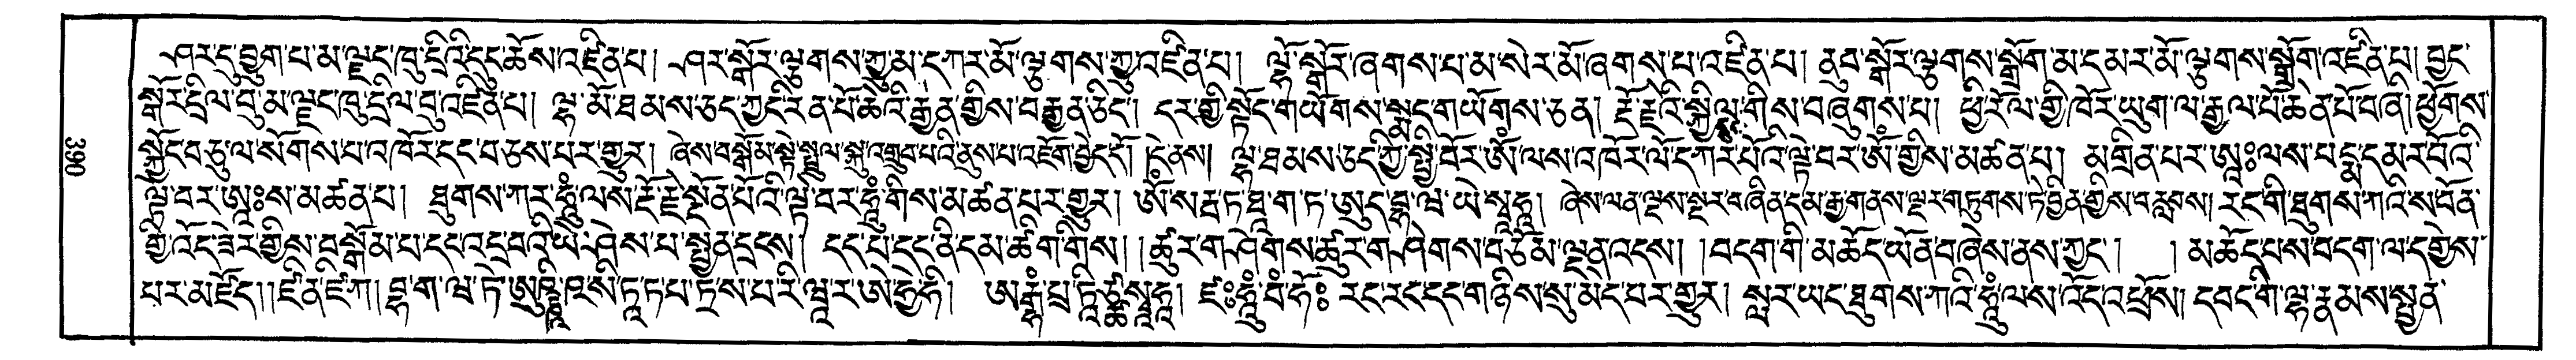ཤར་དུ་བྱུག་པ་མ་ལྗང་ཁུ་དྲིའི་དུང་ཆོས་འཛིན་པ། ཤར་སྒོར་ལྕགས་ཀྱུ་མ་དཀར་མོ་ལྕགས་ཀྱུ་འཛིན་པ། ལྷོ་སྒོར་ཞགས་པ་མ་སེར་མོ་ཞགས་པ་འཛིན་པ། ནུབ་སྒོར་ལྕགས་སྒྲོག་མ་དམར་མོ་ལྕགས་སྒྲོག་འཛིན་པ། བྱང་
སྒོར་དྲིལ་བུ་མ་ལྗང་ཁུ་དྲིལ་བུ་འཛིན་པ། ལྷ་མོ་ཐམས་ཅད་ཀྱང་རིན་པོ་ཆེའི་རྒྱན་གྱིས་བརྒྱན་ཅིང་། དར་གྱི་སྟོད་གཡོགས་སྨད་གཡོགས་ཅན། རྡོ་རྗེའི་སྐྱིལ་དཀྲུང་གིས་བཞུགས་པ། ཕྱི་རོལ་གྱི་ཁོར་ཡུག་ལ་རྒྱལ་པོ་ཆེན་པོ་བཞི། ཕྱོགས་
སྐྱོང་བཅུ་ལ་སོགས་པ་འཁོར་དང་བཅས་པར་གྱུར། ཞེས་བསྒོམ་སྟེ་སྤྲུལ་སྐུ་འགྲུབ་པའི་ནུས་པ་འཇོག་བྱེད་དོ། །དེ་ནས། ལྷ་ཐམས་ཅད་ཀྱི་སྤྱི་བོར་ཨོཾ་ལས་འཁོར་ལོ་དཀར་པོའི་ལྷེ་བར་ཨོཾ་གྱིས་མཚན་པ། མགྲིན་པར་ཨཱཿལས་པདམ་དམར་པོའི་
ལྟེ་བར་ཨཱཿས་མཚན་པ། ཐུགས་ཀར་ཧཱུཾ་ལས་རྡོ་རྗེ་སྔོན་པོའི་ལྟེ་བར་ཧཱུཾ་གིས་མཚན་པར་གྱུར། ཨོཾ་སརྦ་ཏ་ཐཱ་ག་ཏ་ཨུད་བྷ་ཝ་ཡེ་སྭཱཧཱ། ཞེས་ལན་ལྔས་སྔར་བཞིན་དམ་རྒྱ་གནས་ལྔར་གཏུགས་ཏེ་བྱིན་གྱིས་བརླབས།  རང་གི་ཐུགས་ཀའི་ས་བོན་
གྱི་འོད་ཟེར་གྱིས་བསྒོམ་པ་དང་འདྲ་བའི་ཡེ་ཤེས་པ་སྤྱན་དྲངས། དད་པ་དང་ནི་དམ་ཚིག་གིས། །ཚུར་གཤེགས་ཚུར་གཤེགས་བཅོམ་ལྡན་འདས། །བདག་གི་མཆོད་ཡོན་བཞེས་ནས་ཀྱང་། །མཆོད་པས་བདག་ལ་དགྱེས་
པར་མཛད། །ཛི་ན་ཇི་ཀ། བྷ་ག་ཝ་ཏེ་ཨུཥྞཱི་ཥ་སི་ཧཱ་ཧ་པ་ཏྲེ་ས་པ་རི་ཝཱ་ར་ཨེ་ཧྱེ་ཧི། ཨརྒྷཾ་པྲ་ཏཱིཙྪ་སྭཱཧཱ། ཛཿཧཱུཾ་བཾ་ཧོཿརང་རང་དང་གཉིས་སུ་མེད་པར་གྱུར། སླར་ཡང་ཐུགས་ཀའི་ཧཱུཾ་ལས་འོད་འཕྲོས། དབང་གི་ལྷ་རྣམས་སྤྱན་